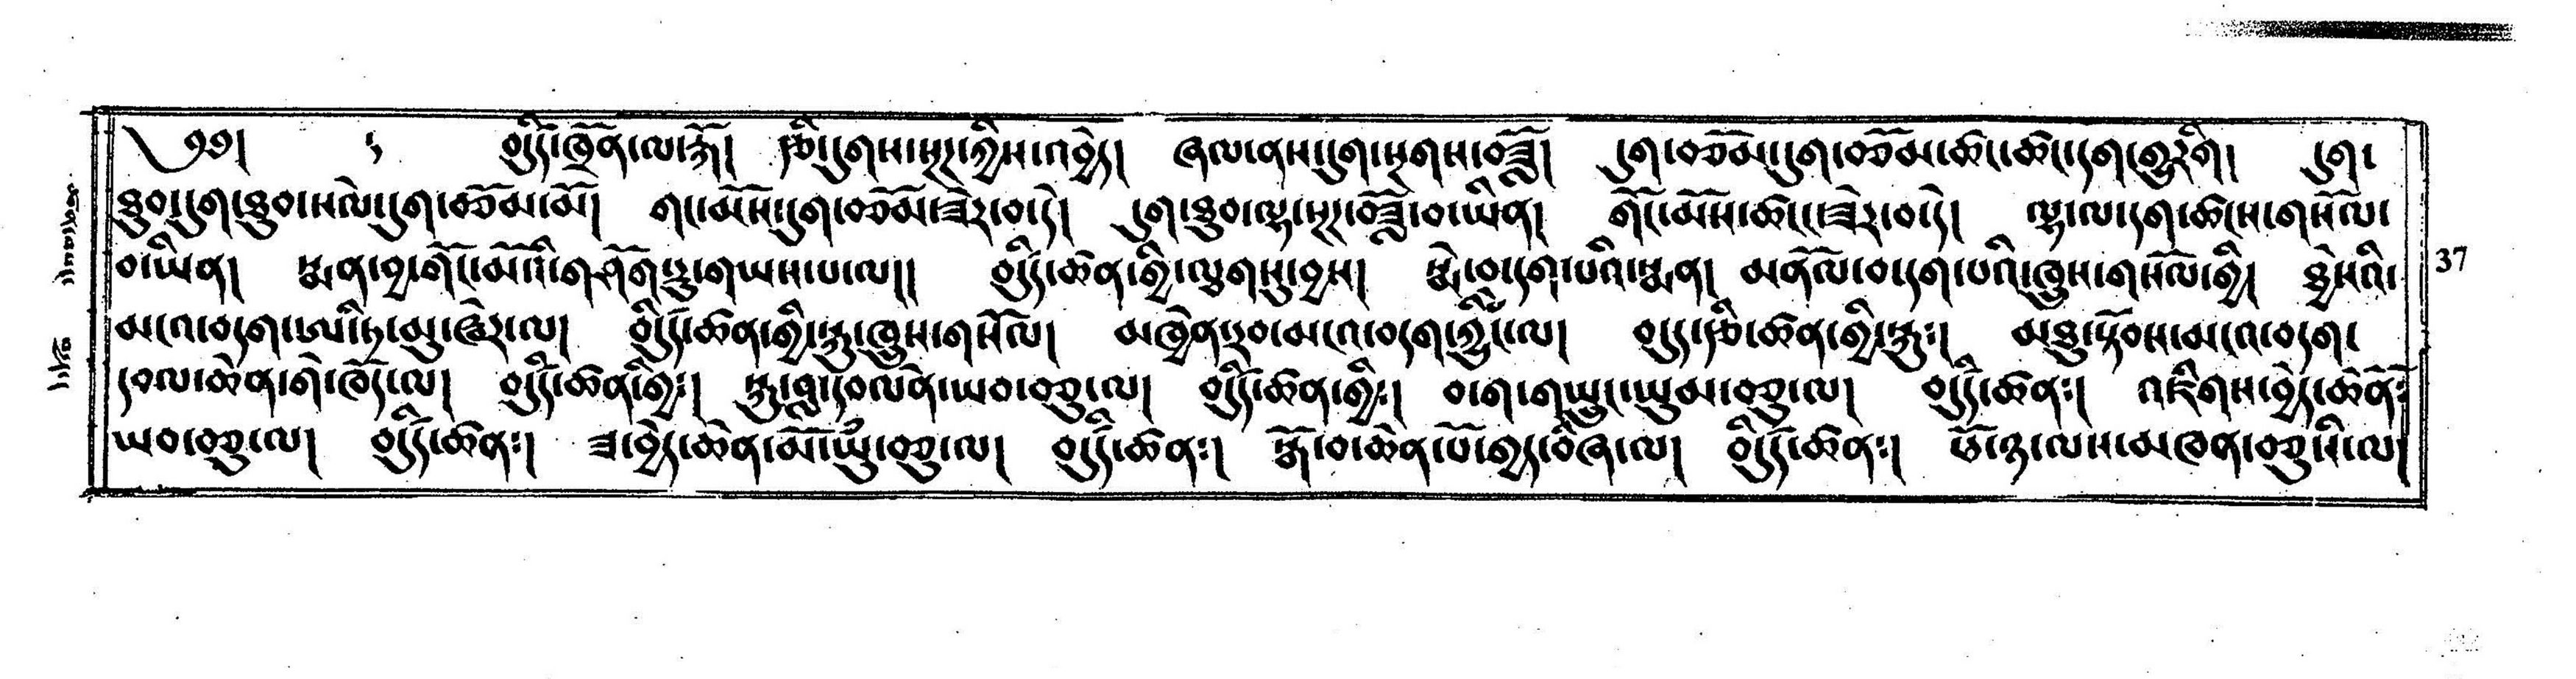བདུད་རྩི་ཁྲོན་ལ་རྐོ། རྩི་དུགས་སྔགས་ཀྱིས་འབྱེད། ཞལ་ནས་དུག་སྔགས་བཟློ། དུག་བཅོམ་དུག་བཅོམ་ཚང་ཚང་དག་གྱུར་ཅིག དུག་
ཐུབ་དུག་ཐུབ་སལེ་དུག་བཅོམ་མོ། གང་མོས་དུག་བཅོམ་ཟེར་བ་དེ། དུག་ཐུབ་ལྷ་སྔགས་བཟློ་བ་ཡིན། གོང་མོས་ཚང་ཚང་ཟེར་བ་དེ། ལྷ་ལ་དག་ཚངས་གསོལ་
བ་ཡིན། སྨན་བྱ་གོང་མོའི་གཤོག་རུ་གཡས་པ་ལ།། བདུད་རྩི་ཚན་གྱི་ལྕགས་སུ་བྱས། སྨེ་བ་དག་པའི་སྨན། མནོལ་བ་དག་པའི་ཁྲུས་གསོལ་གྱི། ཐུགས་རྗེའི་
མངའ་བདག་ཨ་ཏི་མུ་ཝེར་ལ། བདུད་རྩི་ཚན་གྱི་སྐུ་ཁྲུས་གསོལ། མཁྱེན་རབ་མངའ་བདག་ཀུ་བྱི་མང་སྐེ་ལ། བདུད་རྩི་ཚན་གྱི་སྐུ་ཁྲུས་གསོལ། མཐུ་སྟོབས་མངའ་བདག་
དབལ་ཆེན་གེ་ཁོད་ལ། བདུད་རྩི་ཚན་གྱི་སྐུ་ཁྲུས་གསོལ། སྐུ་བླ་དབལ་ཆེན་ཡབ་བཅུ་ལ། བདུད་རྩི་ཚན་གྱི་སྐུ་ཁྲུས་གསོལ། བ་ག་གཡུང་དྲུང་ཡུམ་བཅུ་ལ། བདུད་རྩི་ཚན་གྱི་སྐུ་ཁྲུས་གསོལ། འཇིགས་བྱེད་ཆེན་པོ་
ཡབ་བཅུ་ལ། བདུད་རྩི་ཚན་གྱི་སྐུ་ཁྲུས་གསོལ། ཟ་བྱེད་ཆེན་མོ་ཡུམ་བཅུ་ལ། བདུད་རྩི་ཚན་གྱི་སྐུ་ཁྲུས་གསོལ། སྒོ་བ་ཆེན་པོ་གྱད་བཞི་ལ། བདུད་རྩི་ཚན་གྱི་སྐུ་ཁྲུས་གསོལ། ཕོ་ཉ་ལས་མཁན་བཅུ་གཉིས་ལ་